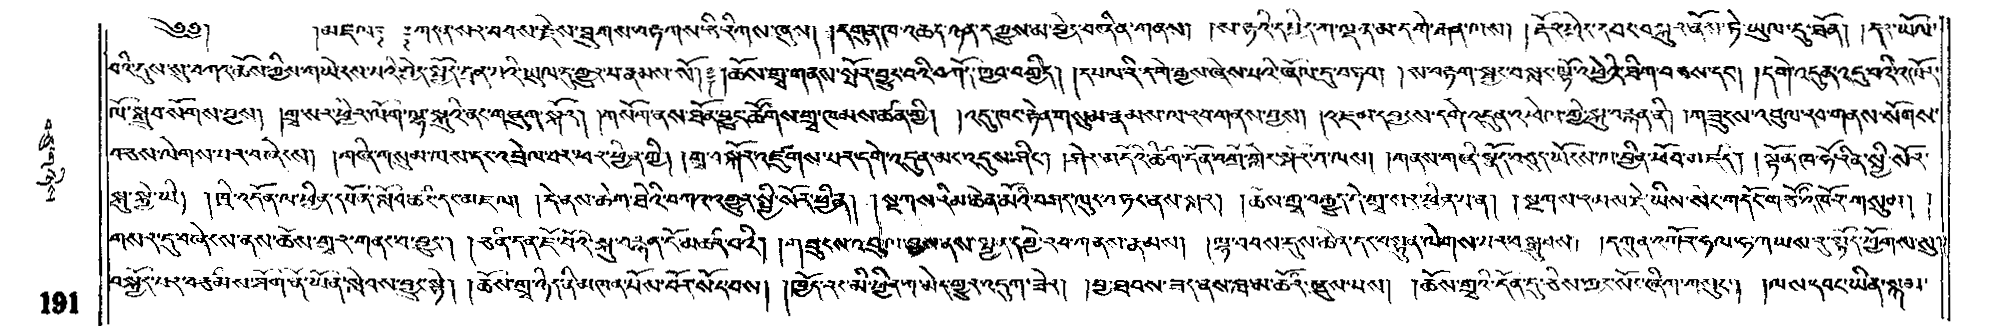༄༅། །མཇལ༑ ༑གདན་སར་བབས་རྗེས་ཐུགས་བརྟགས་ཅི་རིགས་ཞུས། །དགུན་ཁ་འཆད་ཉན་དཀྱུས་མ་བྱེད་བཞིན་གནས། །ས་རྟའི་དཔྱིད་ཀ་ལྡན་མ་དགེ་རྒན་ལས། །རྡོར་ཕྲེང་དབང་བསྐུར་ནོས་ཏེ་ཡུལ་དུ་ཐོན། །དར་ཡོལ་
བའི་དུས་སུ་བཀའ་ཆོས་ཀྱིས་གཡེངས་པའི་བྱེད་སྤྱོད་དྲན་པའི་ཡུལ་དུ་གྱུར་པ་རྣམས་སོ། ༈ །ཆོས་གྲྭ་གནས་སྤོར་བྱུང་བའི་བཀོད་ཁྱབ་བགྱིད། །དཔལ་རི་དགེ་རྒྱས་ཞེས་པའི་ཞོལ་དུ་བཏབ། །ས་བརྟག་སྦྱང་བསླང་ལྟོ་འཕྱེའི་ཐིག་བཅས་དང་། །དགེ་འདུན་འདུ་བའི་འཁོར་
ལོ་སྒྲུབ་སོགས་བྱས། །གྲྭ་སར་ཕྱིར་ལོག་ལྷ་སྐུའི་ནང་གཞུག་སྐོར། །གསོག་ནས་ཐོན་བྱུང་ཚོགས་གྲྭ་ཁམས་ཚན་གྱི། །འདུ་ཁང་རྟེན་གསུམ་རྣམས་ལ་རབ་གནས་བྱས། །འཇམ་དབྱངས་དགེ་འདུན་འཕེལ་གྱི་སྐུ་བརྙན་ནི། །གཟུངས་འབུལ་རབ་གནས་སོགས་
བཅས་ལེགས་པར་བཞེངས། །གཞི་གསུམ་ལས་དང་འབྲེལ་བར་ཕར་ཕྱིན་གྱི། །གྲྭ་བསྐོར་འཛུགས་པར་དགེ་འདུན་མང་འདུས་ཤིང་། །ཤེར་མདོའི་ཚིག་དོན་བགྲོ་གླེང་སྐོར་བ་ལས། །གནས་གཞི་སྣོད་བཅུད་ཡོངས་ལ་བྱིན་ཕོབ་མཛད། །སྟོན་ཁ་ཧོ་རིན་སྤྱི་སོར་
སྐུ་སྐྱེ་ཡི། །ཁྲི་འདོན་ལ་ཕྱིན་དཔོན་སློབ་ཚང་དང་མཇལ། །དེ་ནས་ཆེག་ཐིའི་བཀའ་འགྱུར་སྤྱི་སོར་ཕྱིན། །སྔགས་རིམ་ཆེན་མོའི་བཤད་ལུང་བཏང་ནས་སླར། །ཆོས་གྲྭ་བརྒྱུད་དེ་གྲྭ་སར་ཕྱིན་པ་ན། །སྔགས་རམས་རྗེ་ཡིས་སེང་གདོང་གཙོ་འཁོར་གསུམ། །
གསར་དུ་བཞེངས་ནས་ཆོས་གྲྭར་གནང་བ་བྱུང་། །ཙན་དན་ཇོ་བོའི་སྐུ་བརྙན་ངོ་མཚར་བའི། །གཟུངས་འབུལ་བྱས་ནས་སྤྱན་དགྱེ་རབ་གནས་རྣམས། །ལྷ་བབས་དུས་ཆེན་དང་བསྟུན་ལེགས་པར་བསྒྲུབས། །དགུན་འགོར་ཧལ་ཧ་གཡས་རུ་སྟོད་ཕྱོགས་སུ་
བསྐྱོད་པར་བརྩམས་ཐོག་ནོ་ཡོན་སླེབས་བྱུང་སྟེ། །ཆོས་གྲྭ་ཉིད་ནི་མཁན་པོས་བོར་སོད་བས། །ཁྱོད་རང་མི་ཕྱིར་ཀ་མེད་གྱུར་འདུག་ཟེར། །བྱ་ཐབས་ཟད་ནས་བླ་མ་ཚོར་ཞུས་པས། །ཆོས་གྲྭའི་དོན་དུ་ཅིས་ཀྱང་སོང་ཞིག་གསུང་། །ལས་དབང་ཡིན་སྙམ་